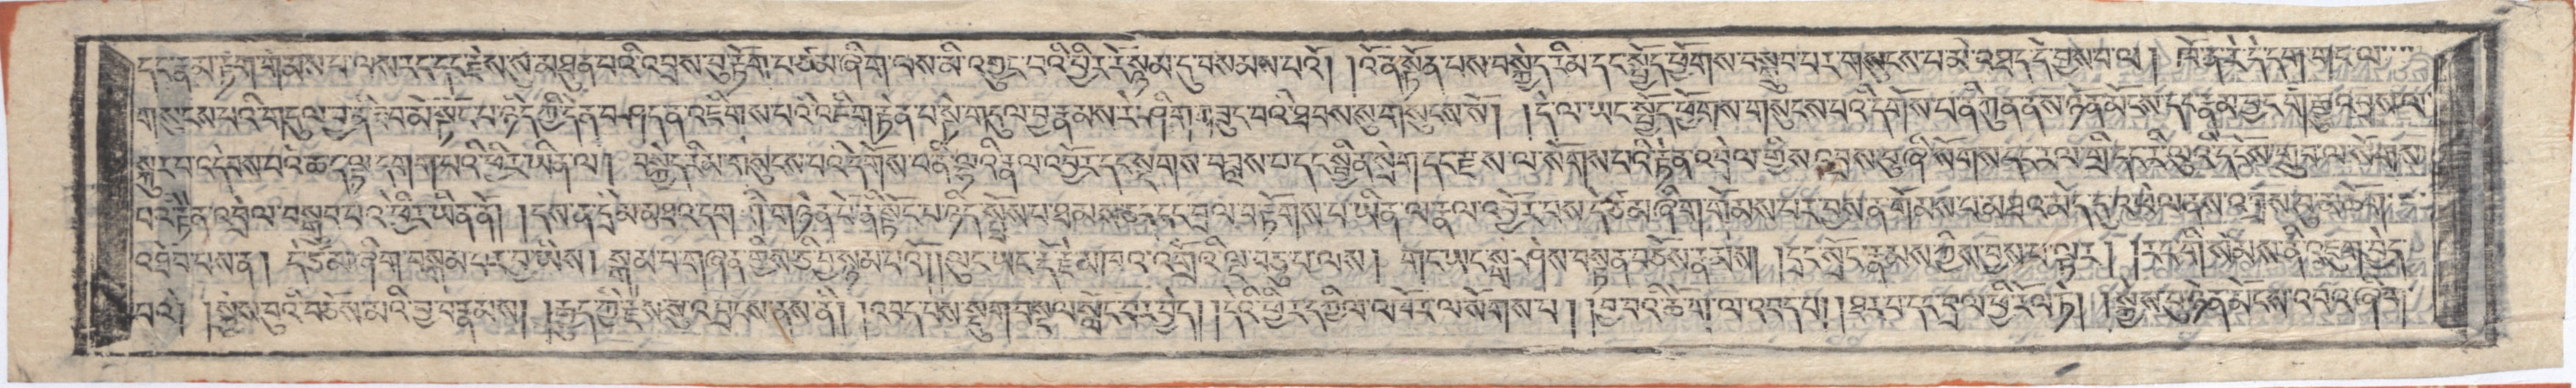དང་རྣམ་རྟོག་གོམས་པ་ལས་རང་དང་རྗེས་སུ་མཐུན་པའི་འབྲས་བུ་རྟོག་པ་ཙམ་ཞིག་ལས་མི་འགྱུར་བའི་ཕྱིར་རོ་སྙམ་དུ་བསམས་པའོ། །འོ་ན་སྟོན་པས་བསྐྱེད་རིམ་དང་སྤྱོད་ཕྱོགས་བསྒྲུབ་པར་གསུངས་པ་མི་འཐད་དོ་བྱས་པ་ལ། ཁོ་ན་རེ་དེ་དག་གང་ལ་
གསུངས་པའི་གདུལ་བྱ་ནི་ཟབ་མོ་སྟོང་པ་ཉིད་ཀྱི་དོན་བཤད་ན་འཇིགས་པའི་འཇིག་རྟེན་པ་སྟེ་གདུལ་བྱ་རྣམས་རེ་ཤིག་གཟུང་བའི་ཐབས་སུ་གསུངས་སོ། །དེ་ལ་ཡང་སྤྱོད་ཕྱོགས་གསུངས་པའི་དགོས་པ་ནི་ཀུན་ནས་ཉོན་མོངས་དང་རྣམ་བྱང་གི་རྒྱུ་འབྲས་ལ་
སྐུར་པ་འདེབས་པའི་ཆ་ང་ལྟ་དགག་པའི་ཕྱིར་ཡིན་ལ། བསྐྱེད་རིམ་གསུངས་པའི་དགོས་པ་ནི་ལྷའི་རྣལ་འབྱོར་དང་སྔགས་བཟླས་པ་དང་སྦྱིན་སྲེག་དང་རྫས་ལ་སོགས་པའི་རྟེན་འབྲེལ་གྱིས་འབྲས་བུ་ཞི་སོགས་དང་རལ་གྲི་དང་རི་ལུའི་དངོས་གྲུབ་ལ་སོགས་
པའི་རྟེན་འབྲེལ་བསྒྲུབ་པའི་ཕྱིར་ཡིན་ནོ། །དེས་ན་དྲི་མ་མཐའ་དག་གི་གཉེན་པོ་ནི་སྟོང་པ་ཉིད་སྤྲོས་པ་ཐམས་ཅད་དང་བྲལ་བ་རྟོགས་པ་ཡིན་ལ་རྣལ་འབྱོར་པས་དེ་ཙམ་ཞིག་གོམས་པར་བྱས་ན་གོམས་པ་མཐའ་མེད་དུ་འཕེལ་ནས་འབྲས་བུ་མཆོག་
འཐོབ་པས་ན། དེ་ཙམ་ཞིག་བསྒོམ་པར་བྱ་ཡིས། སྒོམ་པ་གཞན་གྱིས་ཅི་བྱ་སྙམ་པའོ། །ལུང་ཡང་རྡོ་རྗེ་མཁའ་འགྲོའི་ལྔ་བཅུ་པ་ལས། གང་ཡང་སྒྲ་ཤེས་བསྟན་བཅོས་རྣམས། །དྲང་སྲོང་རྣམས་ཀྱིས་བྱས་པ་ལྟར། །རང་གི་སེམས་ནི་འཇུག་བྱེད་
པའི། །སྐྱེས་བུའི་བཅོས་མའི་བྱ་བ་རྣམས། །རྒྱུད་ཀྱི་རྗེས་སུ་འབྲངས་ནས་ནི། །འབད་པས་སྡུག་བསྔལ་སློང་བར་བྱེད། །དེའི་ཕྱིར་དཀྱིལ་འཁོར་ལ་སོགས་པ། །བྱ་བའི་ཆོ་ག་ལ་འབད་པ། །ཐར་པ་དང་བྲལ་ཕྱི་རོལ་ཏེ། །སྐྱེས་བུ་ཉོན་མོངས་འབའ་ཞིག་